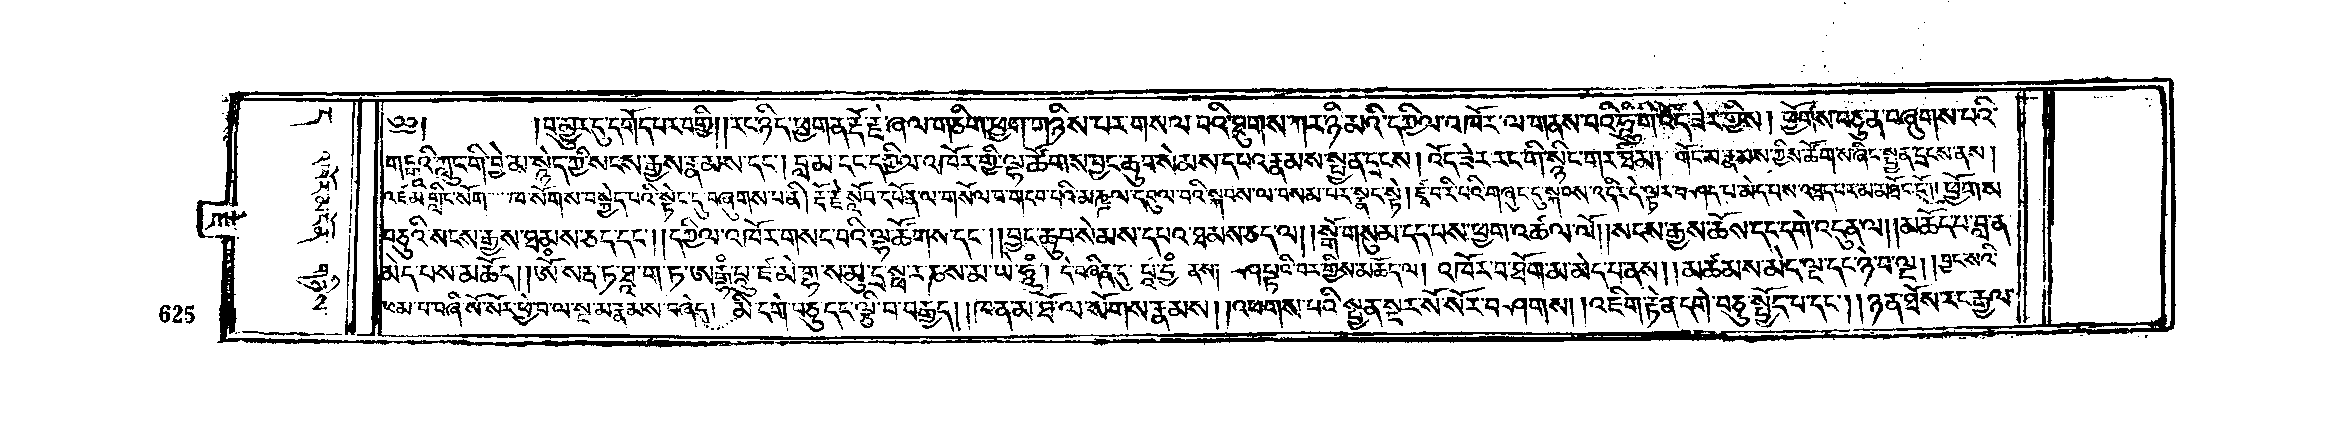༄༅། །བ་མྱུར་དུ་དགོད་པར་བགྱི། །རང་ཉིད་ཕྱག་ན་རྡོ་རྗེ་ཞལ་གཅིག་ཕྱག་གཉིས་པར་གསལ་བའི་ཐུགས་ཀར་ཉི་མའི་དཀྱིལ་འཁོར་ལ་གནས་པའི་ཧཱུཾ་གི་འོད་ཟེར་གྱིས། ཕྱོགས་བཅུ་ན་བཞུགས་པའི་
གངྒཱའི་ཀླུང་གི་བྱེ་མ་སྙེད་ཀྱི་སངས་རྒྱས་རྣམས་དང་། བླ་མ་དང་དཀྱིལ་འཁོར་གྱི་ལྷ་ཚོགས་བྱང་ཆུབ་སེམས་དཔའ་རྣམས་སྤྱན་དྲངས། འོད་ཟེར་རང་གི་སྙིང་གར་ཐིམ། གོང་མ་རྣམས་ཀྱིས་ཚོགས་ཞིང་སྤྱན་དྲངས་ནས།
འཛམ་གླིང་སོག་ཁ་སོགས་བསྐྱེད་པའི་སྟེང་དུ་བཞུགས་པ་ནི། རྡོ་རྗེ་སློབ་དཔོན་ལ་གསོལ་བ་གདབ་པའི་མཎྜལ་དབུལ་བའི་སྐབས་ལ་བསམ་པར་སྣང་སྟེ། ཛྭ་བ་རི་པའི་གཞུང་དུ་སྐབས་འདིར་དེ་ལྟར་བཤད་པ་མེད་པས་འཐད་པར་མ་མཐོང་ངོ། །ཕྱོགས་
བཅུའི་སངས་རྒྱས་ཐམས་ཅད་དང་། །དཀྱིལ་འཁོར་གསང་བའི་ལྷ་ཚོགས་དང་། །བྱང་ཆུབ་སེམས་དཔའ་ཐམས་ཅད་ལ། །སྒོ་གསུམ་དད་པས་ཕྱག་འཚལ་ལོ། །སངས་རྒྱས་ཆོས་དང་དགེ་འདུན་ལ། །མཆོད་པ་བླ་ན་
མེད་པས་མཆོད། །ཨོཾ་སརྦ་ཏ་ཐཱ་ག་ཏ་ཨརྒྷཾ་པཱུ་ཛ་མེ་གྷ་ས་མུ་དྲ་སྥ་ར་ཎ་ས་མ་ཡེ་ཧཱུཾ། དེ་བཞིན་དུ་པཱ་དྱཾ་ནས།  ཤཔྟའི་བར་གྱིས་མཆོད་ལ། འཁོར་བ་ཐོག་མ་མེད་པ་ནས། །མཚམས་མེད་ལྔ་དང་ཉེ་བ་ལྔ། །བྱང་སའི་
ཕམ་པ་བཞི་སོ་སོར་ཕྱེ་བ་ལ་སྔ་མ་རྣམས་བཞེད། མི་དགེ་བཅུ་དང་ལྕི་བ་བརྒྱད། །ཁ་ན་མ་ཐོ་ལ་སོགས་རྣམས། །འཕགས་པའི་སྤྱན་སྔར་སོ་སོར་བཤགས། །འཇིག་རྟེན་དགེ་བཅུ་སྤྱོད་པ་དང་། །ཉན་ཐོས་རང་རྒྱལ་